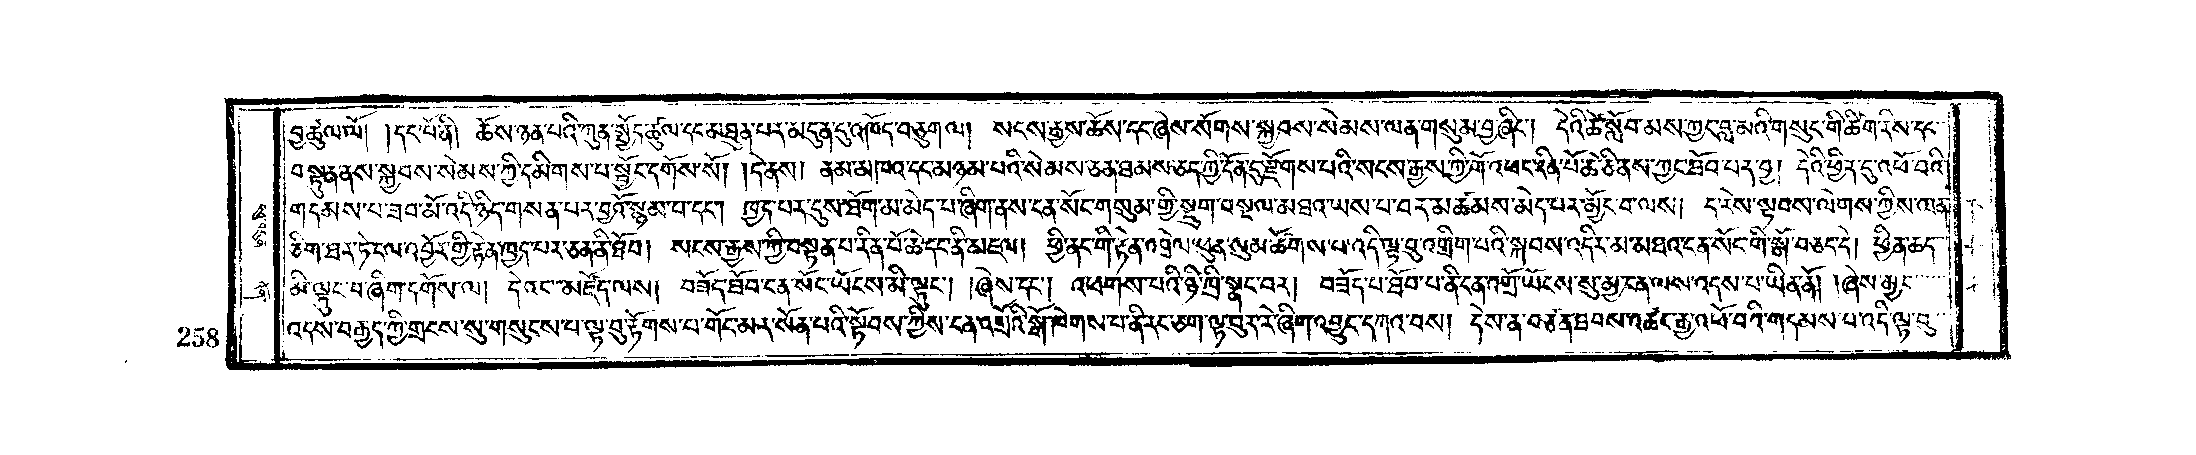བྱ་ཚུལ་ལོ། །དང་པོ་ནི། ཆོས་ཉན་པའི་ཀུན་སྤྱོད་ཚུལ་དང་མཐུན་པར་མདུན་དུ་འཁོད་བཅུག་ལ། སངས་རྒྱས་ཆོས་དང་ཞེས་སོགས་སྐྱབས་སེམས་ལན་གསུམ་བྱ་ཞིང་། དེའི་ཚེ་སློབ་མས་ཀྱང་བླ་མའི་གསུང་གི་ཚིག་རིས་དང་
བསྟུན་ནས་སྐྱབས་སེམས་ཀྱི་དམིགས་པ་སྦྱོང་དགོས་སོ། །དེ་ནས། ནམ་མཁའ་དང་མཉམ་པའི་སེམས་ཅན་ཐམས་ཅད་ཀྱི་དོན་དུ་རྫོགས་པའི་སངས་རྒྱས་ཀྱི་གོ་འཕང་རིན་པོ་ཆེ་ཅི་ནས་ཀྱང་ཐོབ་པར་བྱ། དེའི་ཕྱིར་དུ་འཕོ་བའི་
གདམས་པ་ཟབ་མོ་འདི་ཉིད་གསན་པར་བྱའོ་སྙམ་པ་དང་། ཁྱད་པར་དུས་ཐོག་མ་མེད་པ་ཞིག་ནས་ངན་སོང་གསུམ་གྱི་སྡུག་བསྔལ་མཐའ་ཡས་པ་བར་མཚམས་མེད་པར་མྱོང་བ་ལས། ད་རེས་སྟབས་ལེགས་ཀྱིས་ལན་
ཅིག་ཐར་ཏེ་དལ་འབྱོར་གྱི་རྟེན་ཁྱད་པར་ཅན་ནི་ཐོབ། སངས་རྒྱས་ཀྱི་བསྟན་པ་རིན་པོ་ཆེ་དང་ནི་མཇལ། ཕྱི་ནང་གི་རྟེན་འབྲེལ་ཕུན་སུམ་ཚོགས་པ་འདི་ལྟ་བུ་འགྲིག་པའི་སྐབས་འདིར་མ་མཐའ་ངན་སོང་གི་སྒོ་བཅད་དེ། ཕྱིན་ཆད་
མི་ལྟུང་བ་ཞིག་དགོས་ལ། དེའང་མཛོད་ལས། བཟོད་ཐོབ་ངན་སོང་ཡོངས་མི་ལྟུང་། །ཞེས་དང་། འཕགས་པའི་ཉི་ཁྲི་སྣང་བར། བཟོད་པ་ཐོབ་པ་ནི་ངན་འགྲོ་ཡོངས་སུ་མྱ་ངན་ལས་འདས་པ་ཡིན་ནོ། །ཞེས་མྱང་
འདས་བརྒྱད་ཀྱི་གྲངས་སུ་གསུངས་པ་ལྟ་བུ་རྟོགས་པ་གོང་མར་སོན་པའི་སྟོབས་ཀྱིས་ངན་འགྲོའི་སྒོ་ཁེགས་པ་ནི་རང་ཅག་ལྟ་བུར་རེ་ཞིག་འབྱུང་དཀའ་བས། དེས་ན་བཙན་ཐབས་འཚང་རྒྱ་འཕོ་བའི་གདམས་པ་འདི་ལྟ་བུ་